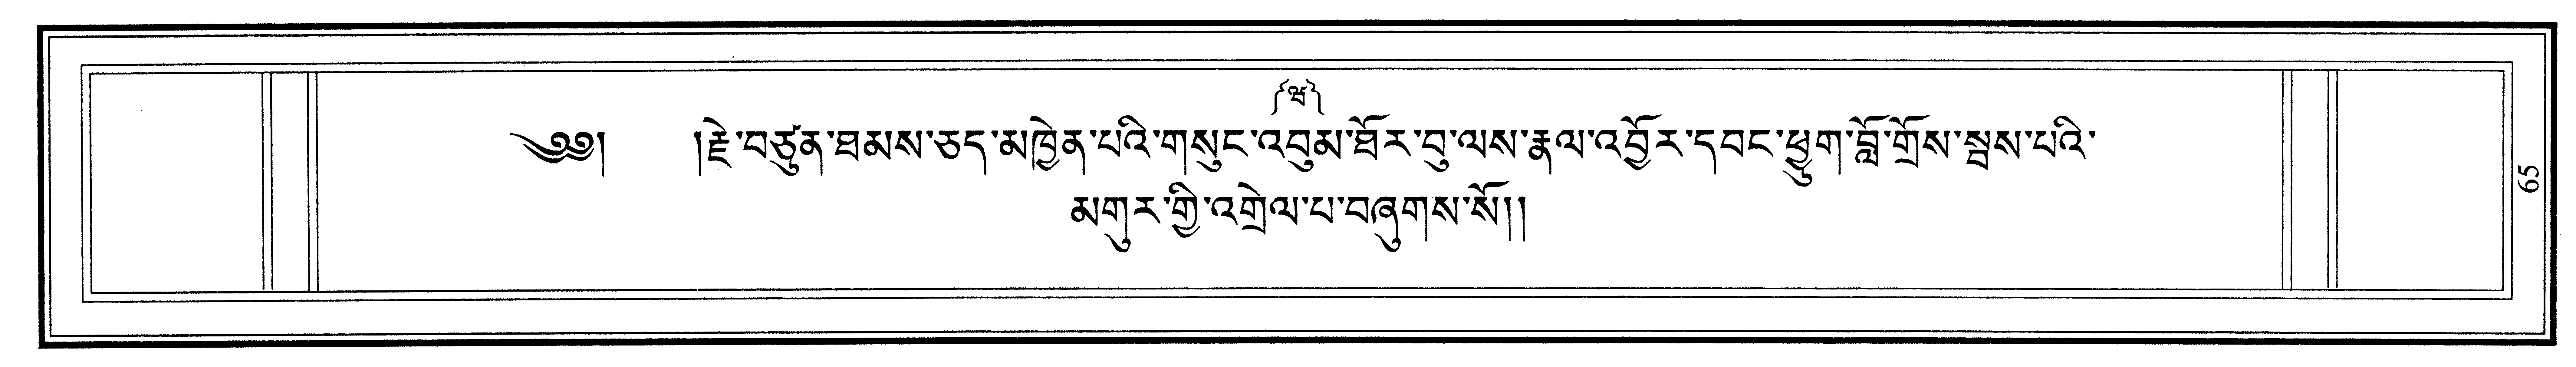༄༅། །རྗེ་བཙུན་ཐམས་ཅད་མཁྱེན་པའི་གསུང་འབུམ་ཐོར་བུ་ལས་རྣལ་འབྱོར་དབང་ཕྱུག་བློ་གྲོས་སྦས་པའི་མགུར་གྱི་འགྲེལ་པ་བཞུགས་སོ།།